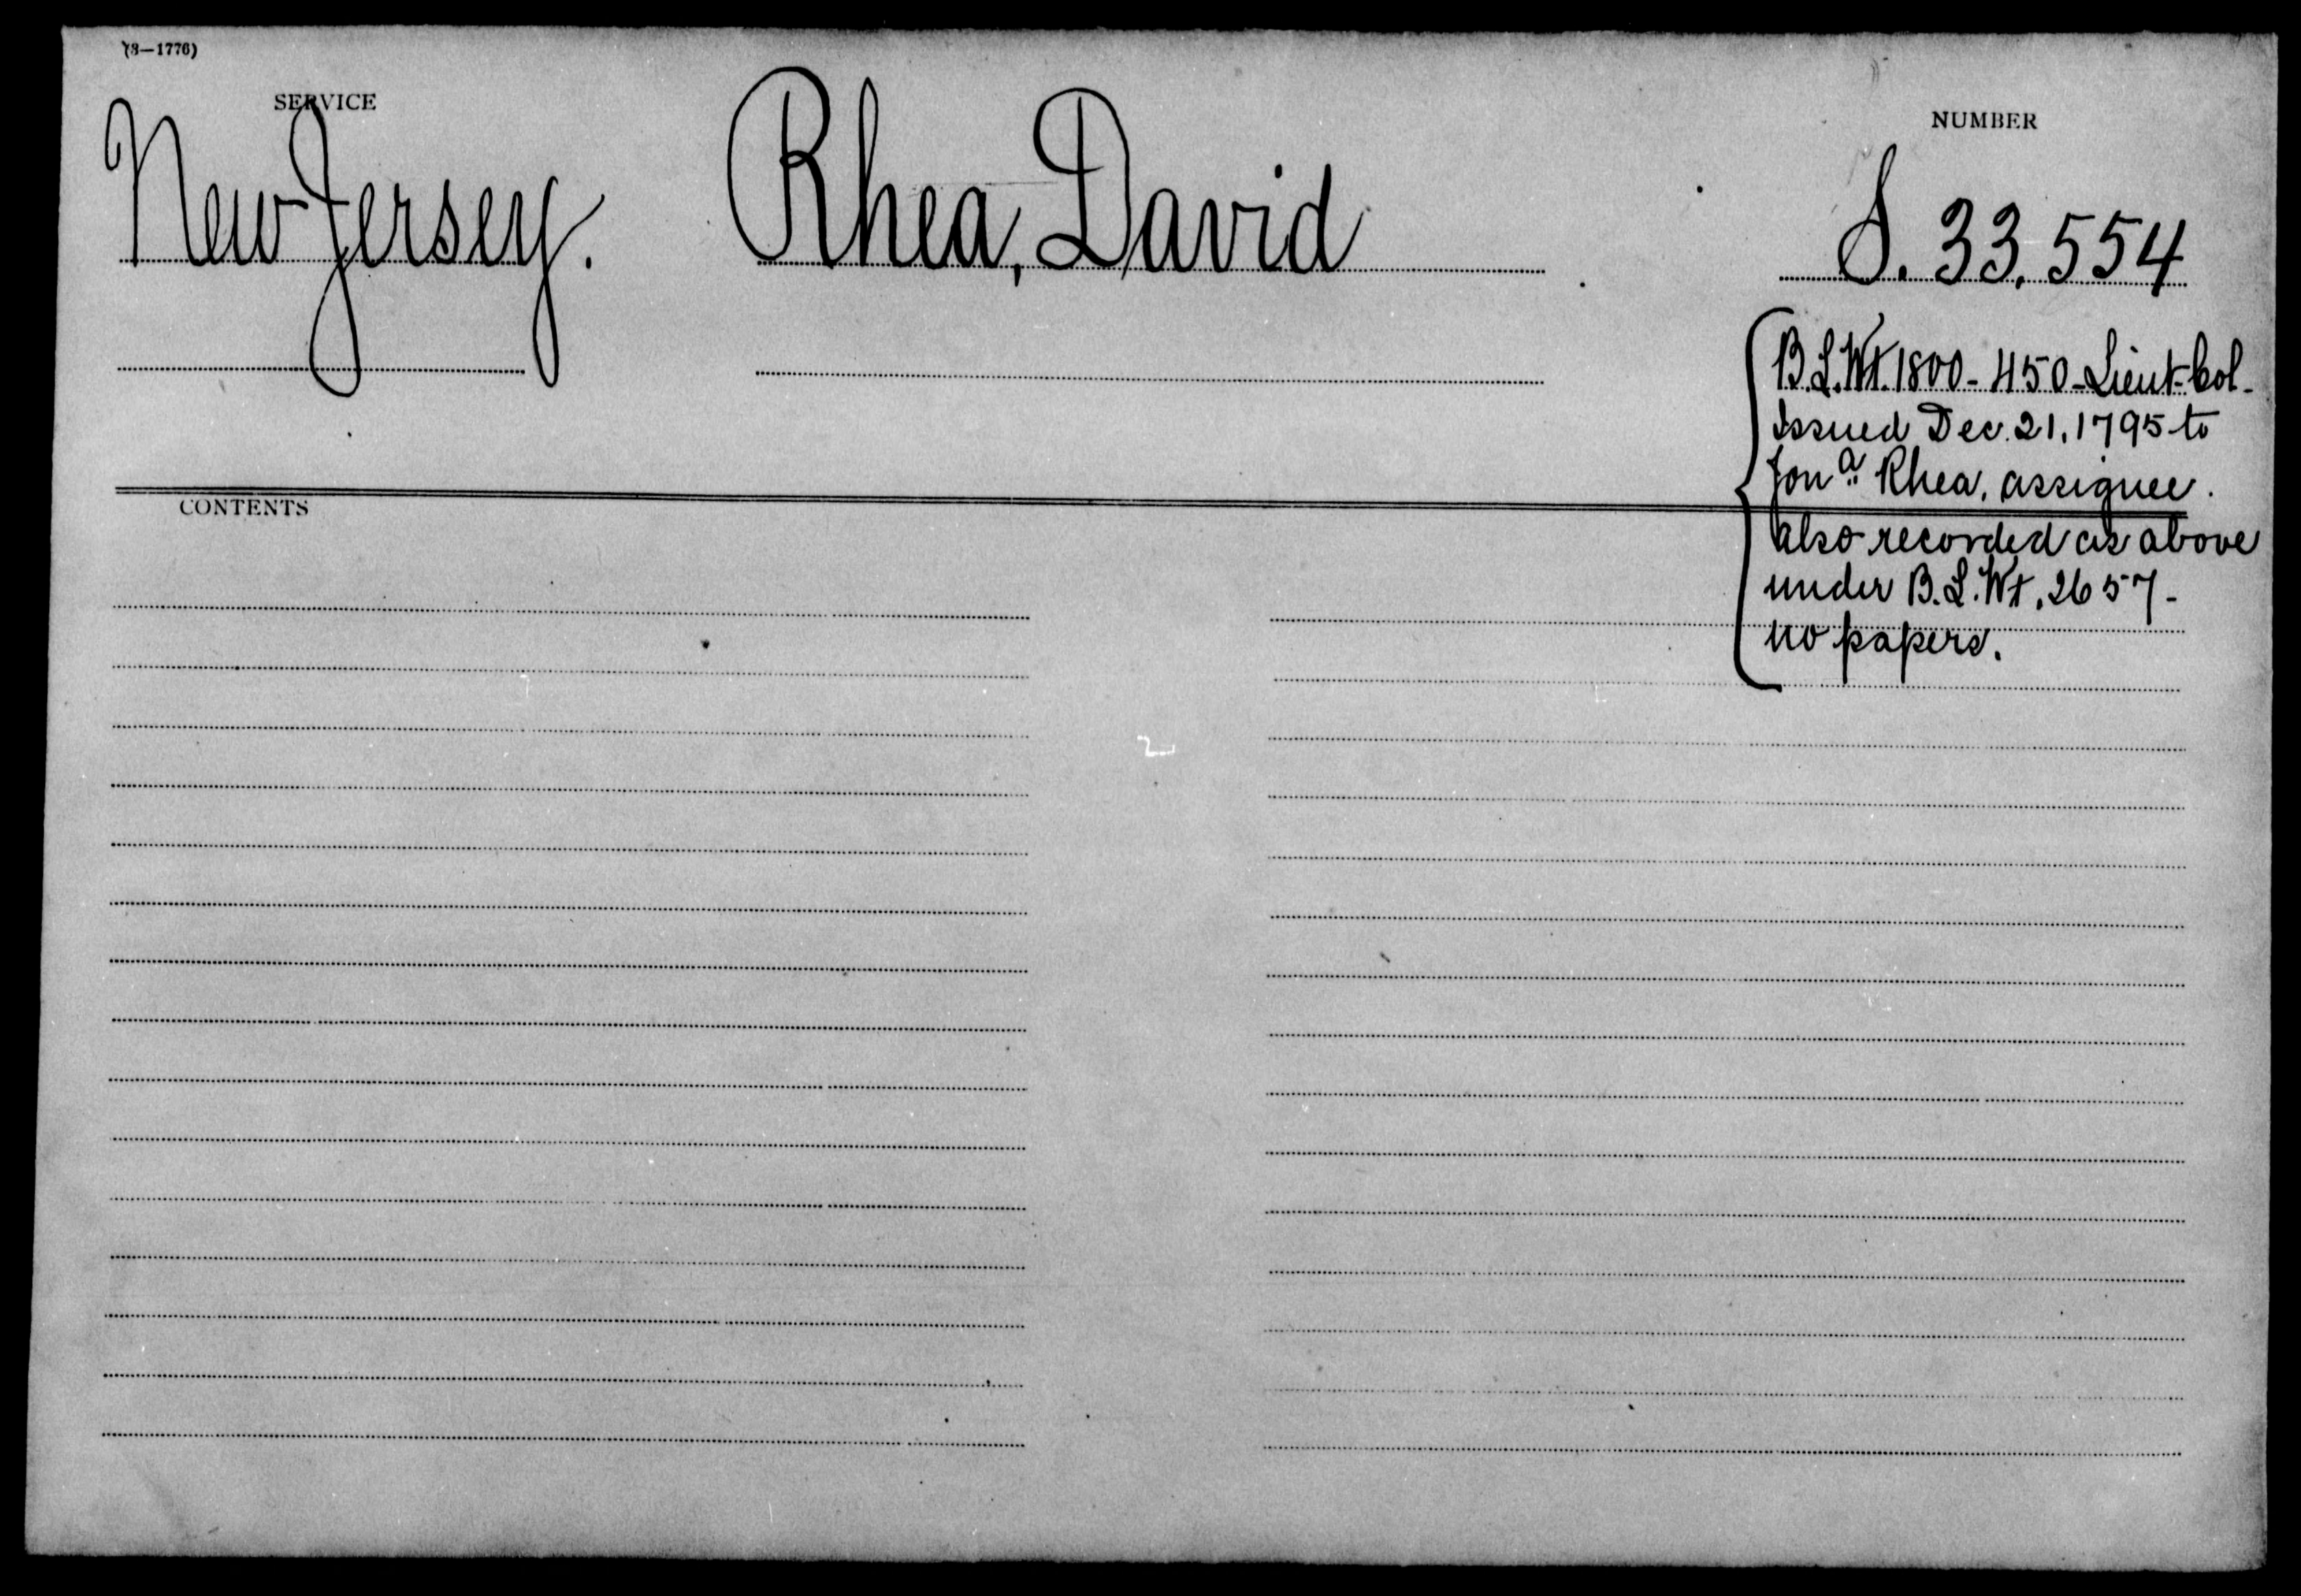(3-1776)
SERVICE
New Jersey

Rhea, David

NUMBER
S.33.554
B.L.Wt.1800 - 450- Lieut. Col.
Issued Dec. 21, 1795 to
Jon'a Rhea, assignee.
also recorded as above
under B.L.Wt.2657 -
no papers.
===
CONTENTS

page: 1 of 21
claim: survivor's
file: S. 33,554, for David Rhea, New Jersey